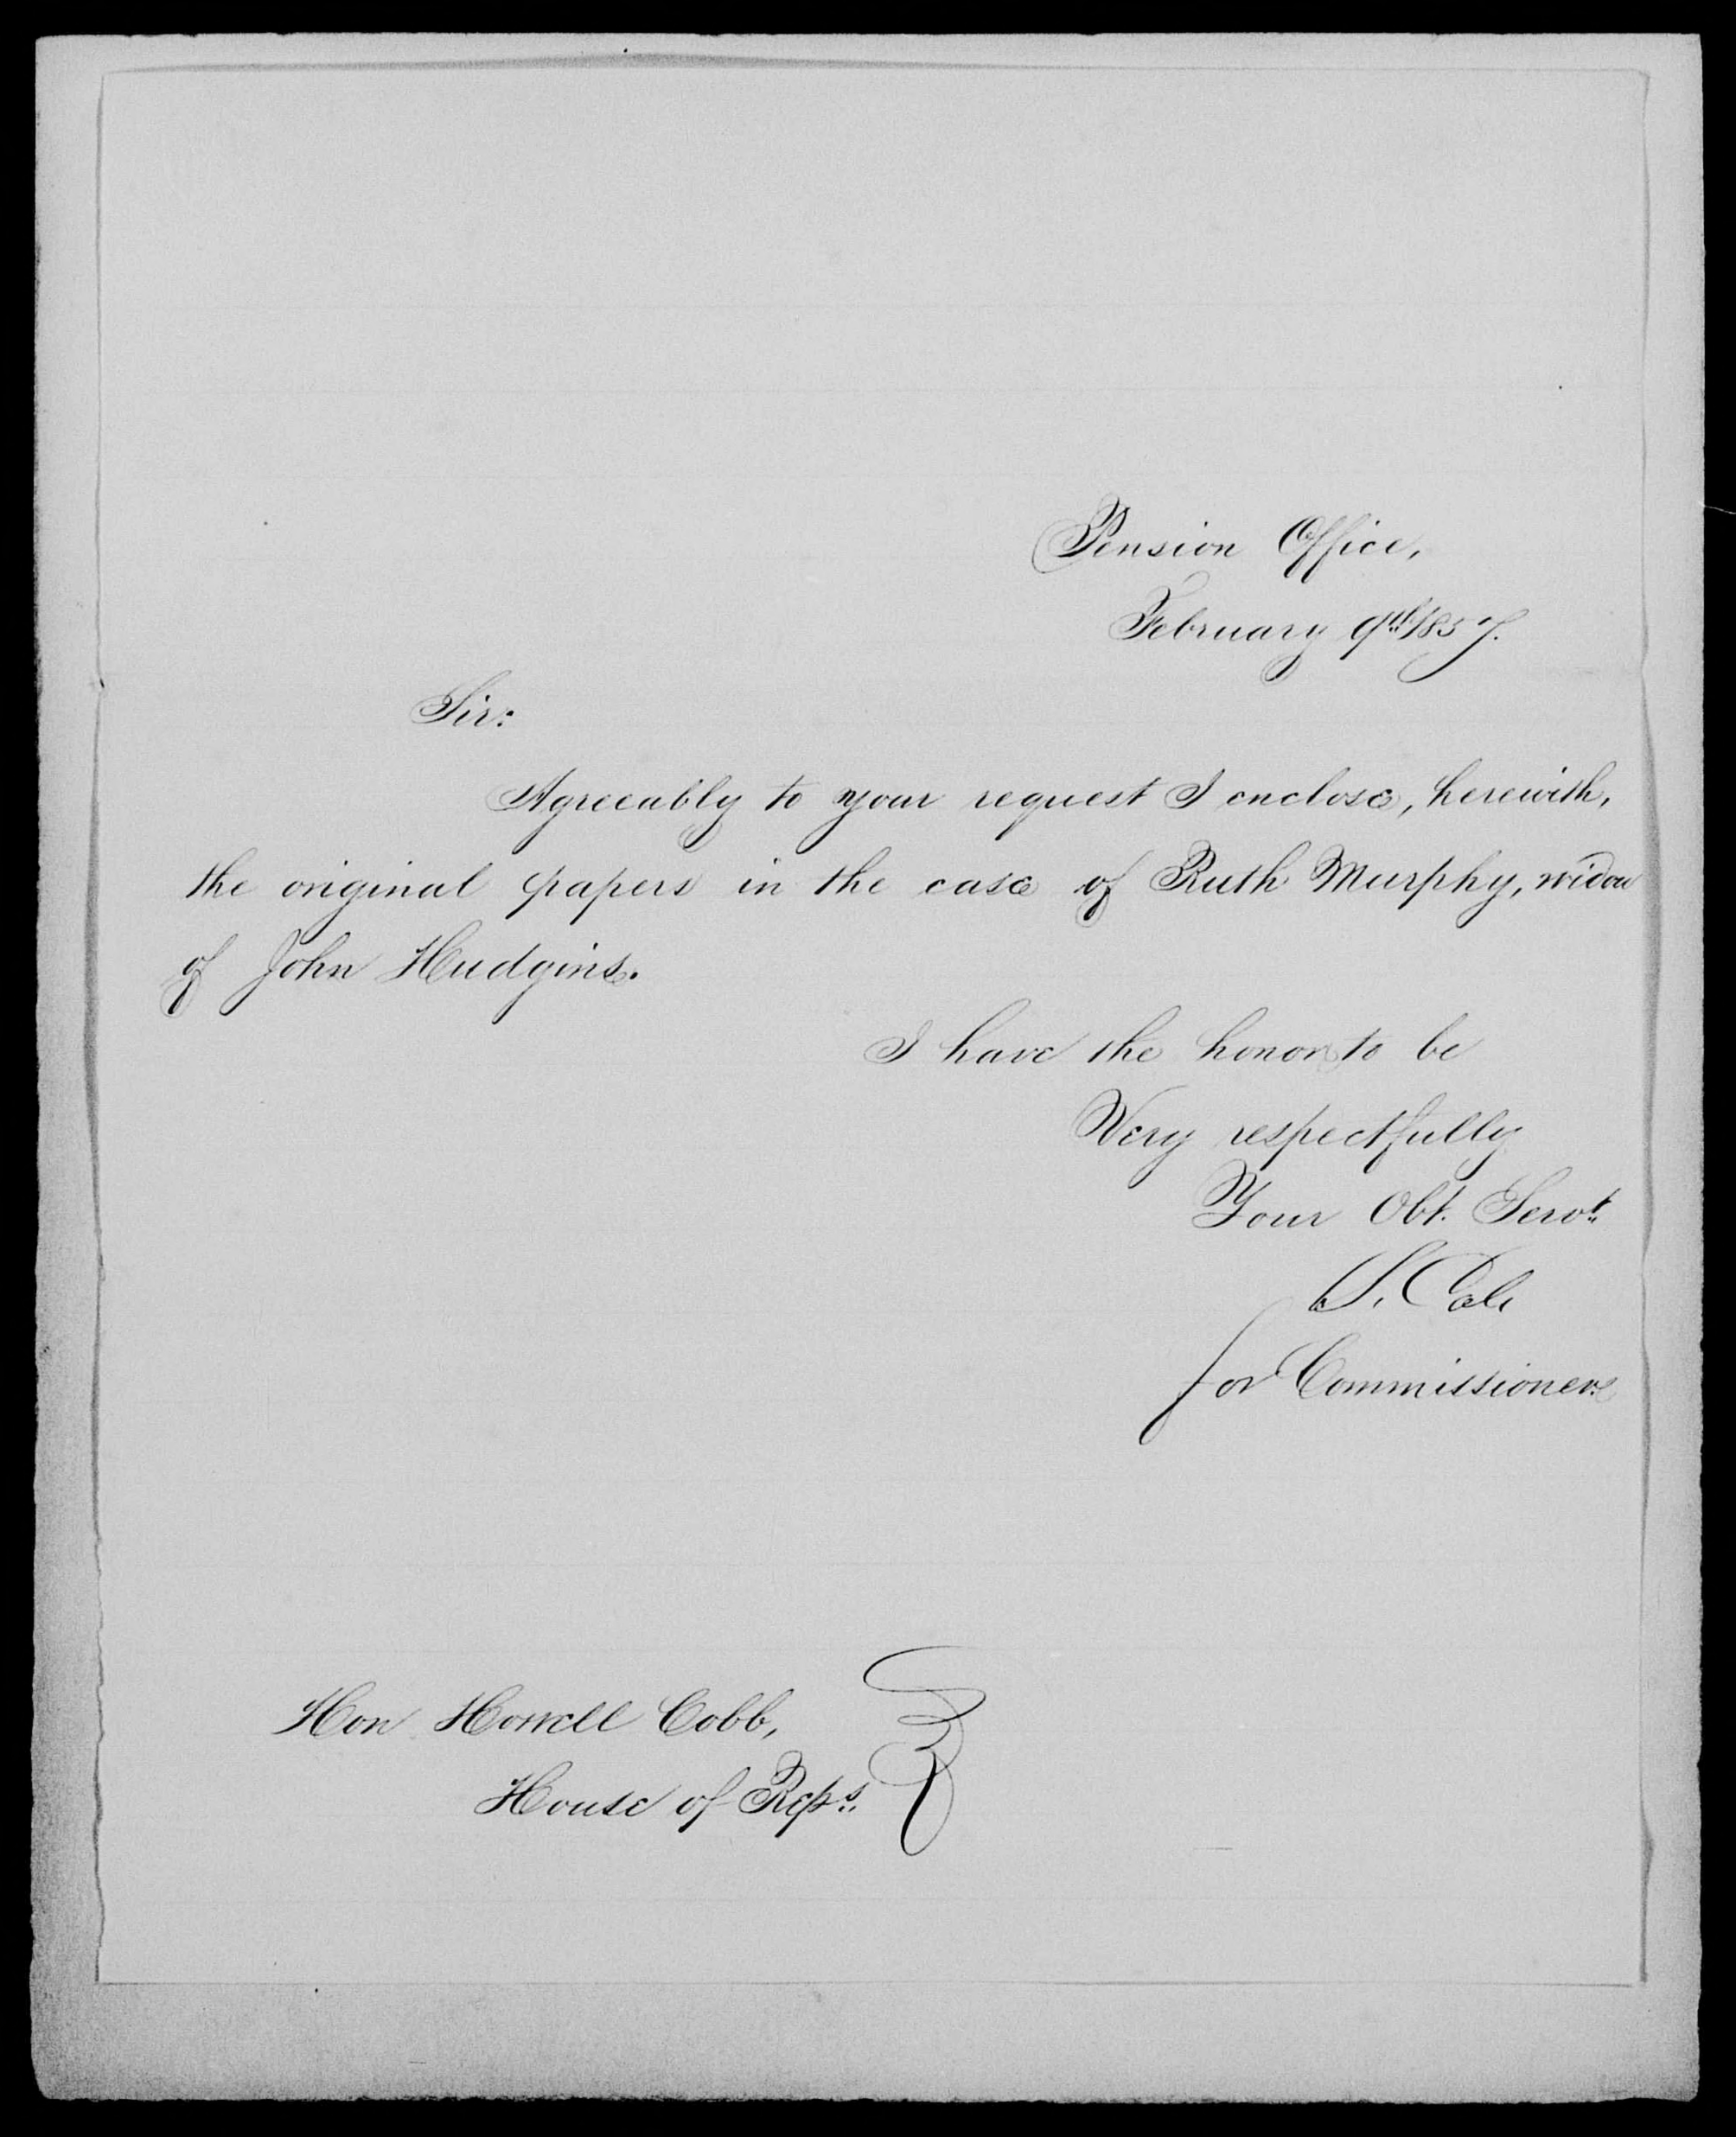Pension Office, February 9th 1857.
Sir:
Agreeably to your request I enclose, herewith, original papers in the case of Ruth Murphy, widow of John Hudgins.
I have the honor to be very respectfully your obt. serv. S. Cole for Commissioner.

Hon. Howell Cobb
House of Reps.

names: S Cole, John Hudgins, Howell Cobb, Ruth Murphy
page: 38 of 108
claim: rejected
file: R. 7,515, John Hudgins, N.C.